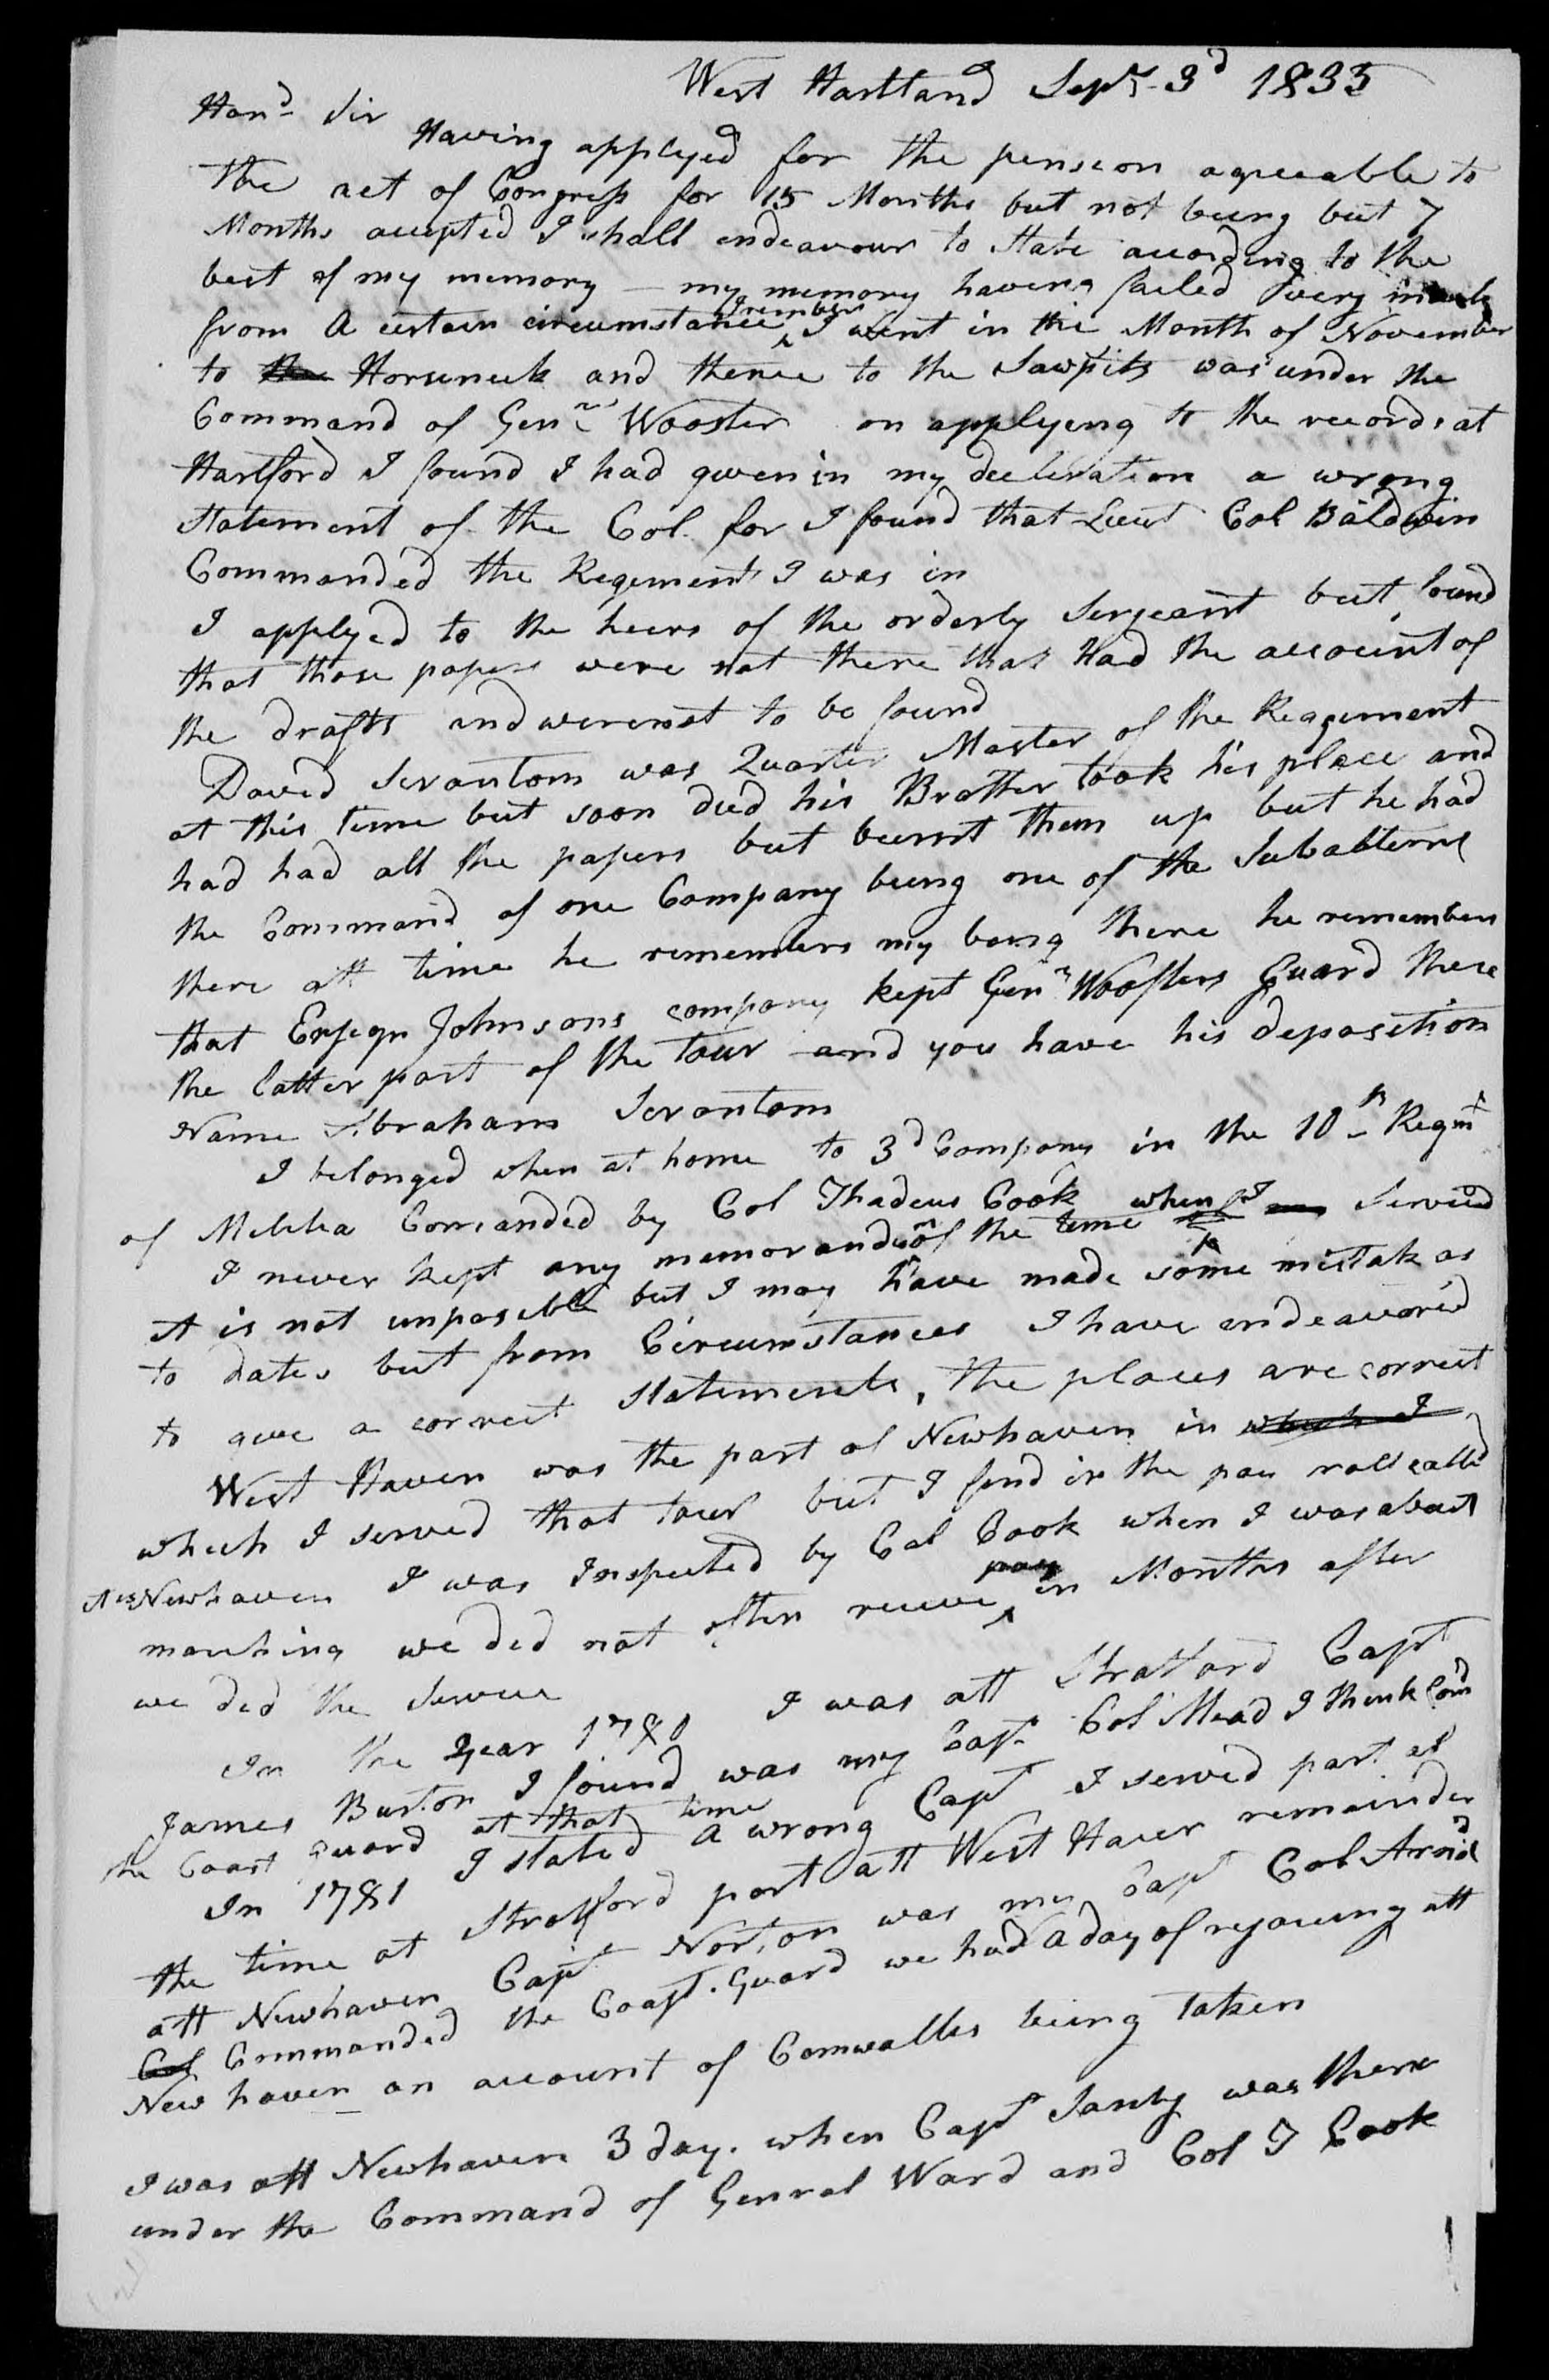West Hartland Sept 3d 1833
Hon J his having applyed [applied] for the pension agreeable to
the act of Congress for 15 months but not being but 7months accepted I shall endeavour [endeavor] to state according to the best of my memory--my memory having failed very much from a certain circumstance by went in the month of November to Horseneck and there to the Sawpits was under the Command of Gen Wooster on applying to the record, at
Hartford I found I had given in my declaration a wrong statement of the Col. for I found that Lieut Col Baldwin commanded the Regiment I was in I applyed [applied] to the heirs of the orderly Sergeant but found that those papers were not there that had the account of the drafts and were not to be found
---
David Scranton was Quarter Master of the Regiment at this time but soon died his Brother took his place and
had had all the papers but burnt them up but he had the command of one Company being one of the Jubaltion there at time he remember my bang there he remembers
that Ensign Johnsons company kept Gen Washer Guard there the latter part of the tour and you have his deposition
Name Abraham Scrantom
I belonged when at home to 3d Company in the 10th Regmt of Militia Commanded by Col Thadeus Cook I never kept any memor [memoir] and of the time when he served at is not unposible [impossible] but I may have made some mistakas [mistakes]
to date, but from circumstances I have endeavored to give a correct statements, the places are correct 
West Haven was the part of Newhaven in ⌨ which I served that tour but I find in the pay roll called Newhaven I was inspected by Col Cook when I was about mankind we did not other receive pay in months after we did the Service
In the year 1780 I was at Stratford Capt
James Burton I found was my Capt. Col Mead I think on at that time wrong Capt I served part of In 1781 I stated the Coast guard at that time at Stratford port at West Haven remained at  Newhaven Capt Norton was my Capt Col Araid commanded the Coast guard we had a day of
my arriving at New haven on account of Cornwallis being taken 
I was at Newhaven 3 day, when Capt Sanly was then under the command of Genral Ward and Col T Cook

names: T Cook, Abraham Scrantom, Wooster, Wooster, Thadeus Cook, James Burton, Baldwin, Ward, David Scrantom, Arnold, Mead, Sanly, Norton, Cook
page: 26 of 76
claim: widow's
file: W. 5,250, Timothy Coe, Conn.